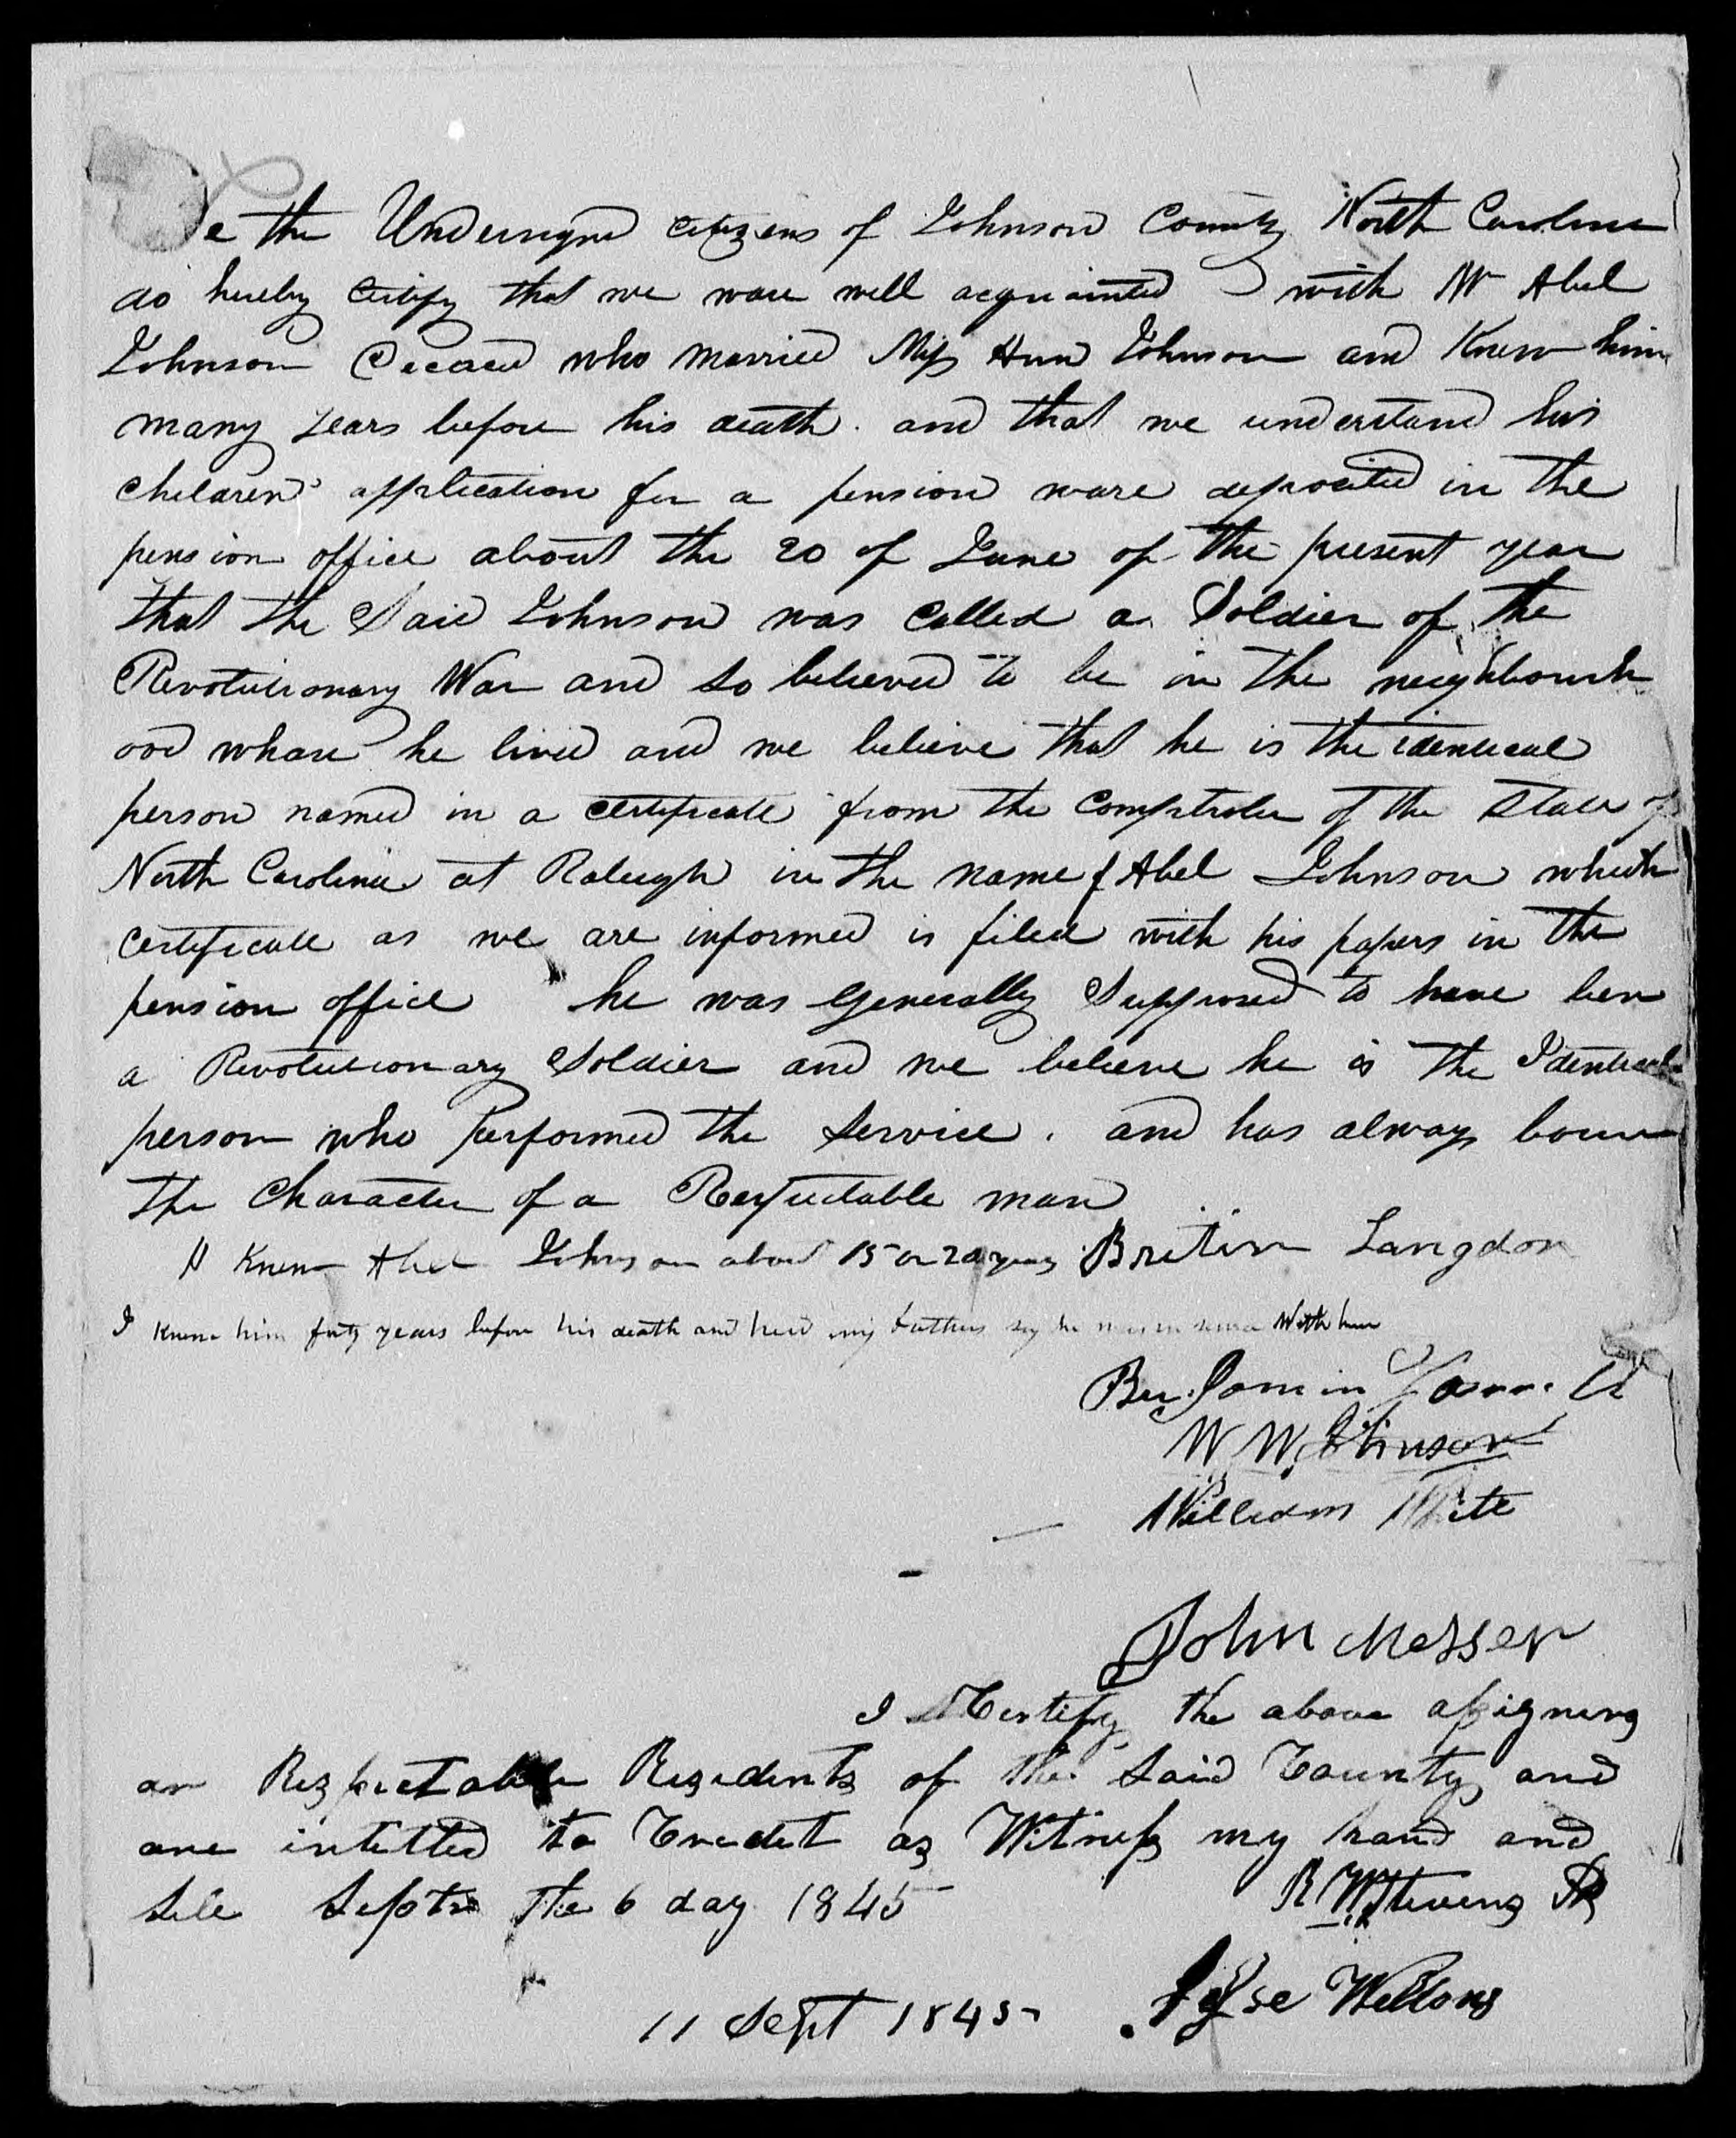We, the undersigned citizens of Johnston County, North Carolina hereby certify that we were well acquainted with Mr. Abel Johnson deceased who married Miss Ann Johnson and knew him many years before his death and that we understand his children’s application for a pension was deposited in the pension office about the 20th of June of the present year. That the said Johnson was called a Soldier of the Revolutionary War and so believed to be in the neighborhood and where he lived and we believe that he is the identical person named in a certificate from the comptroller of the State of North Carolina at Raleigh in the name of Abel Johnson whose certificate as we are informed is filed with his papers in the pension office. He was generally supposed to have been a Revolutionary Soldier and we believe he is the identical person who performed the service, and has always bourn the character of a respectable man. 
I knew Abel Johnson about 15 or 20 years, Britin Langdon
I knew him forty years before his death and heard my father say he was with him. Benjamin Harold       M. W. Johnson      William White      John Messer    
I Certify the above assigning men are respectable residents of the said County, and are entitled to credit as witnesses my hand and seal Sept 6 1845.    R. W. Stevens  [seal]
11 September 1845 Jessy Wellons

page: 29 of 74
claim: rejected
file: R. 5600, for Abel Johnson, North Carolina